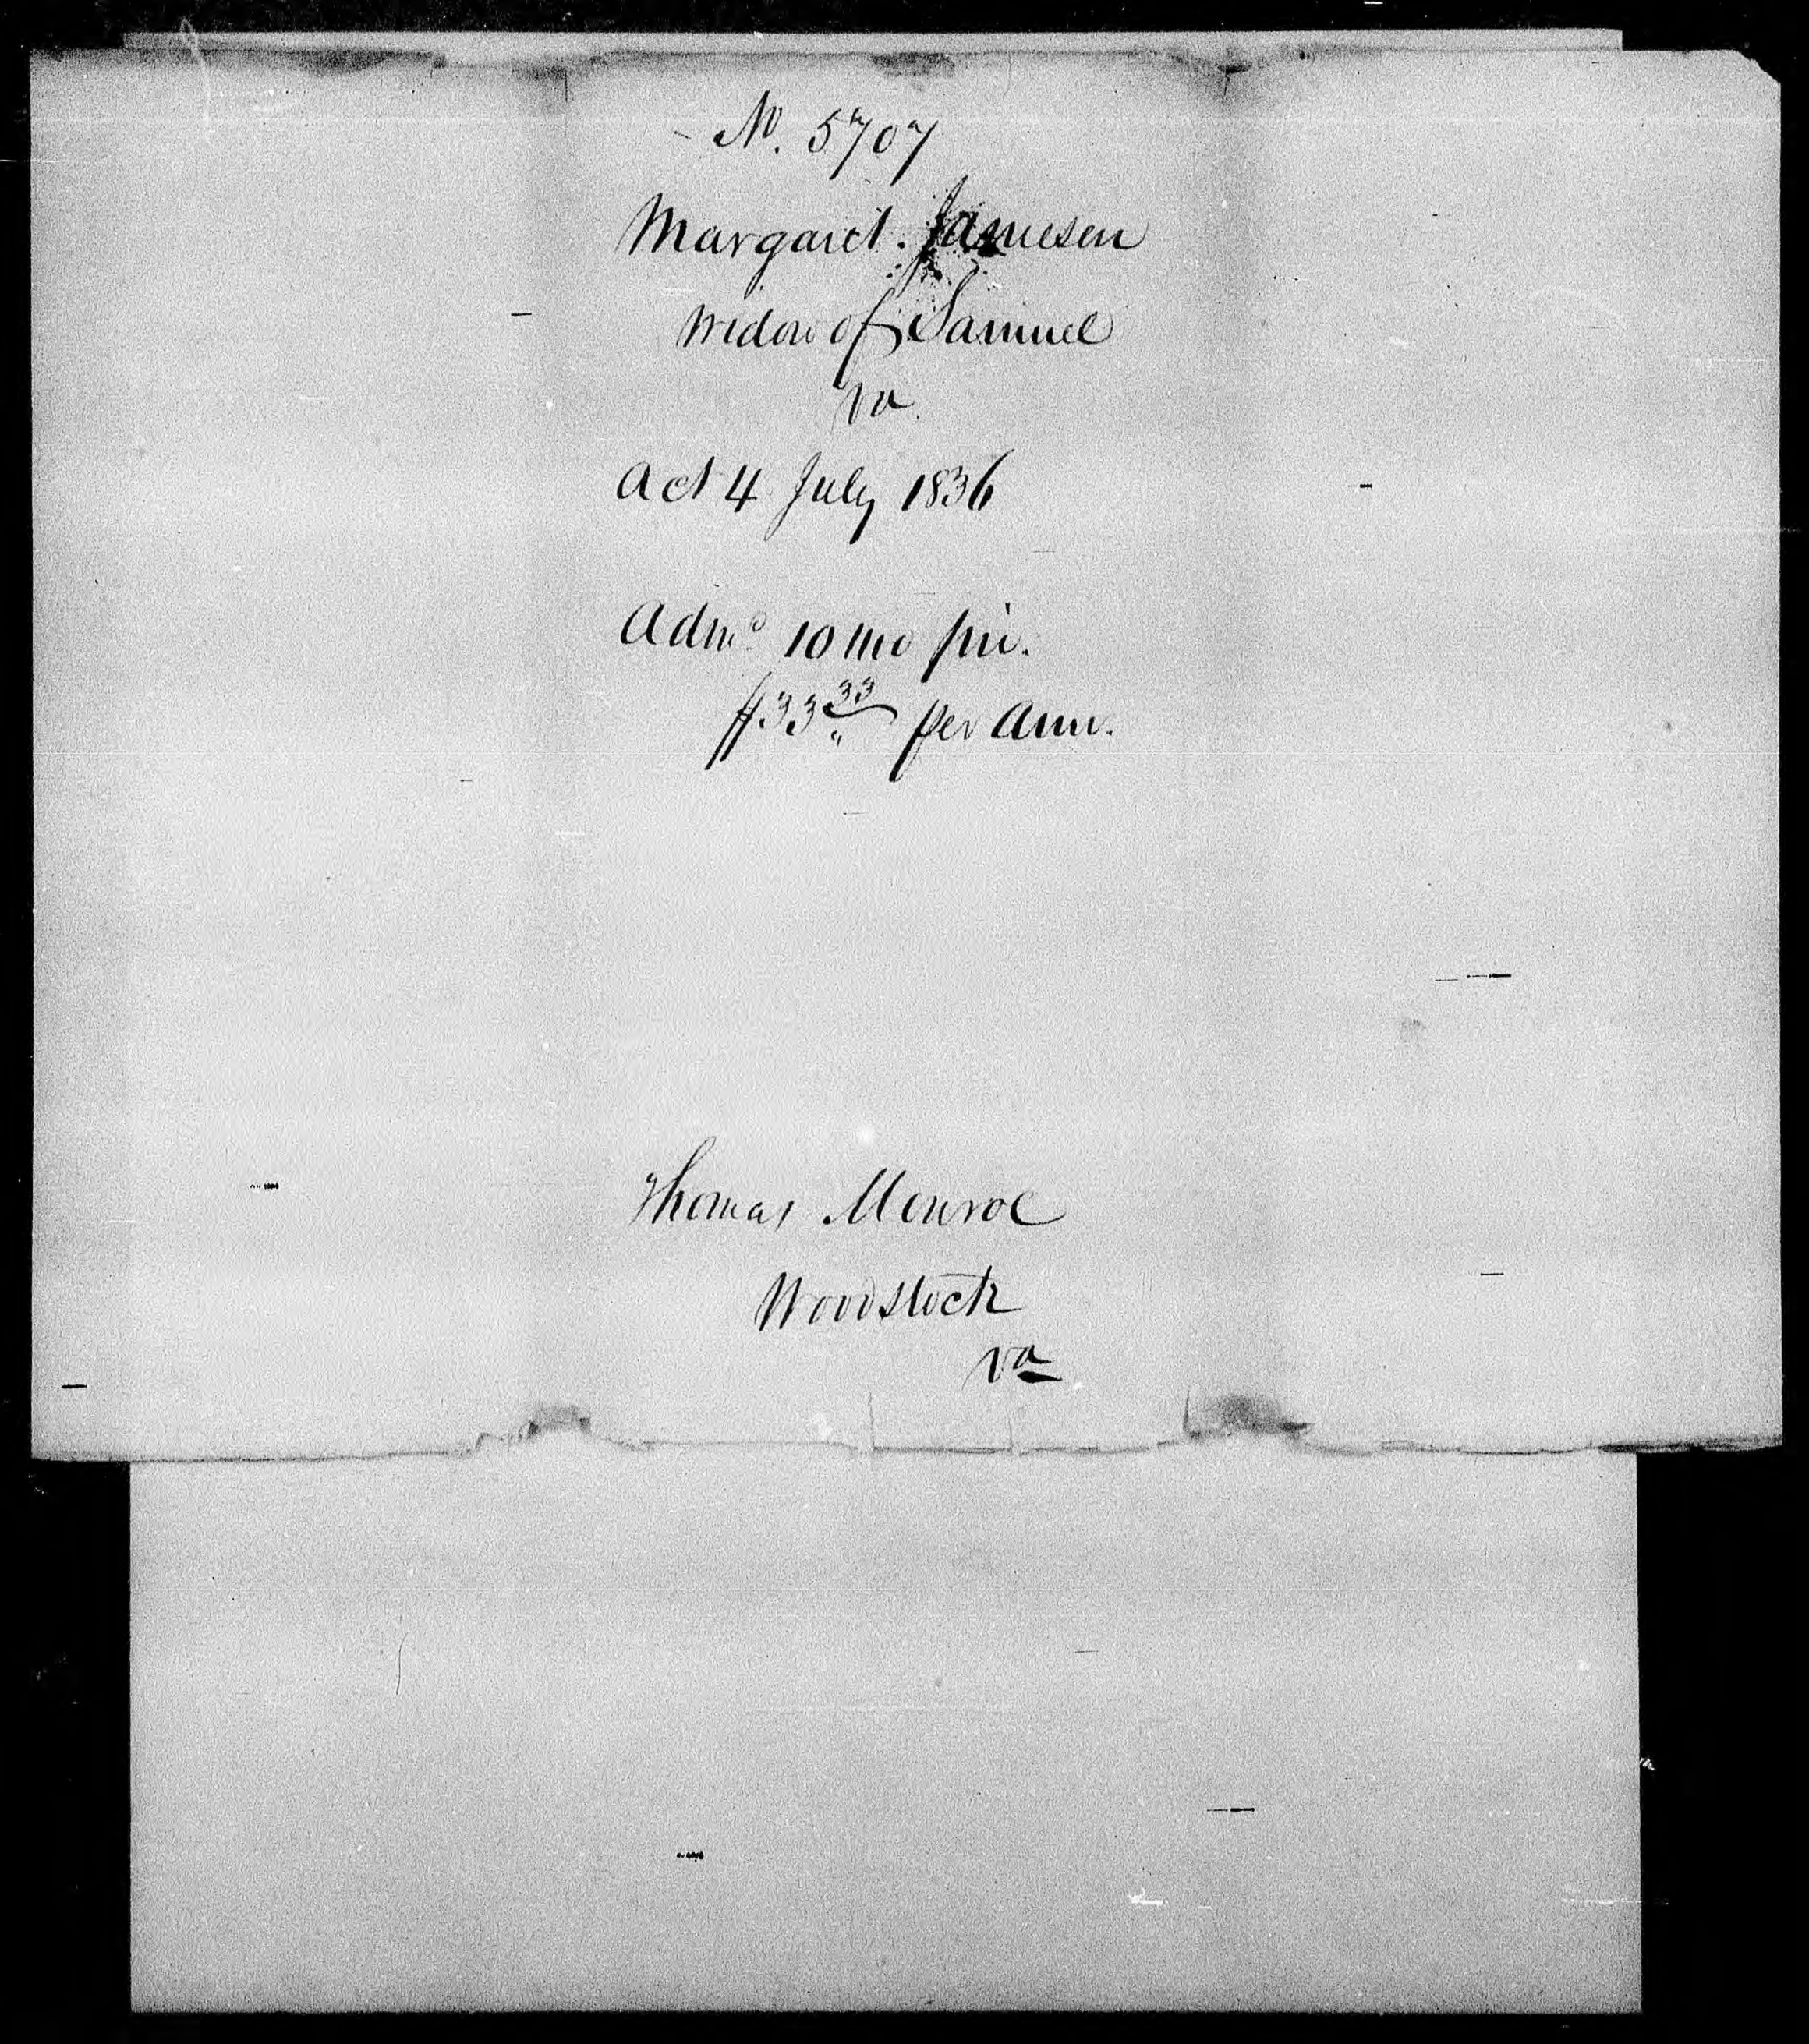No. 5707
Margaret Jamieson
widow of Samuel
Va.
act 4 July 1836

adm't 10 mo pri.
$33.33 per ann.

Thomas Monroe
Woodstock
Va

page: 19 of 28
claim: widow's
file: W. 5112, for Samuel Jamieson, Virginia